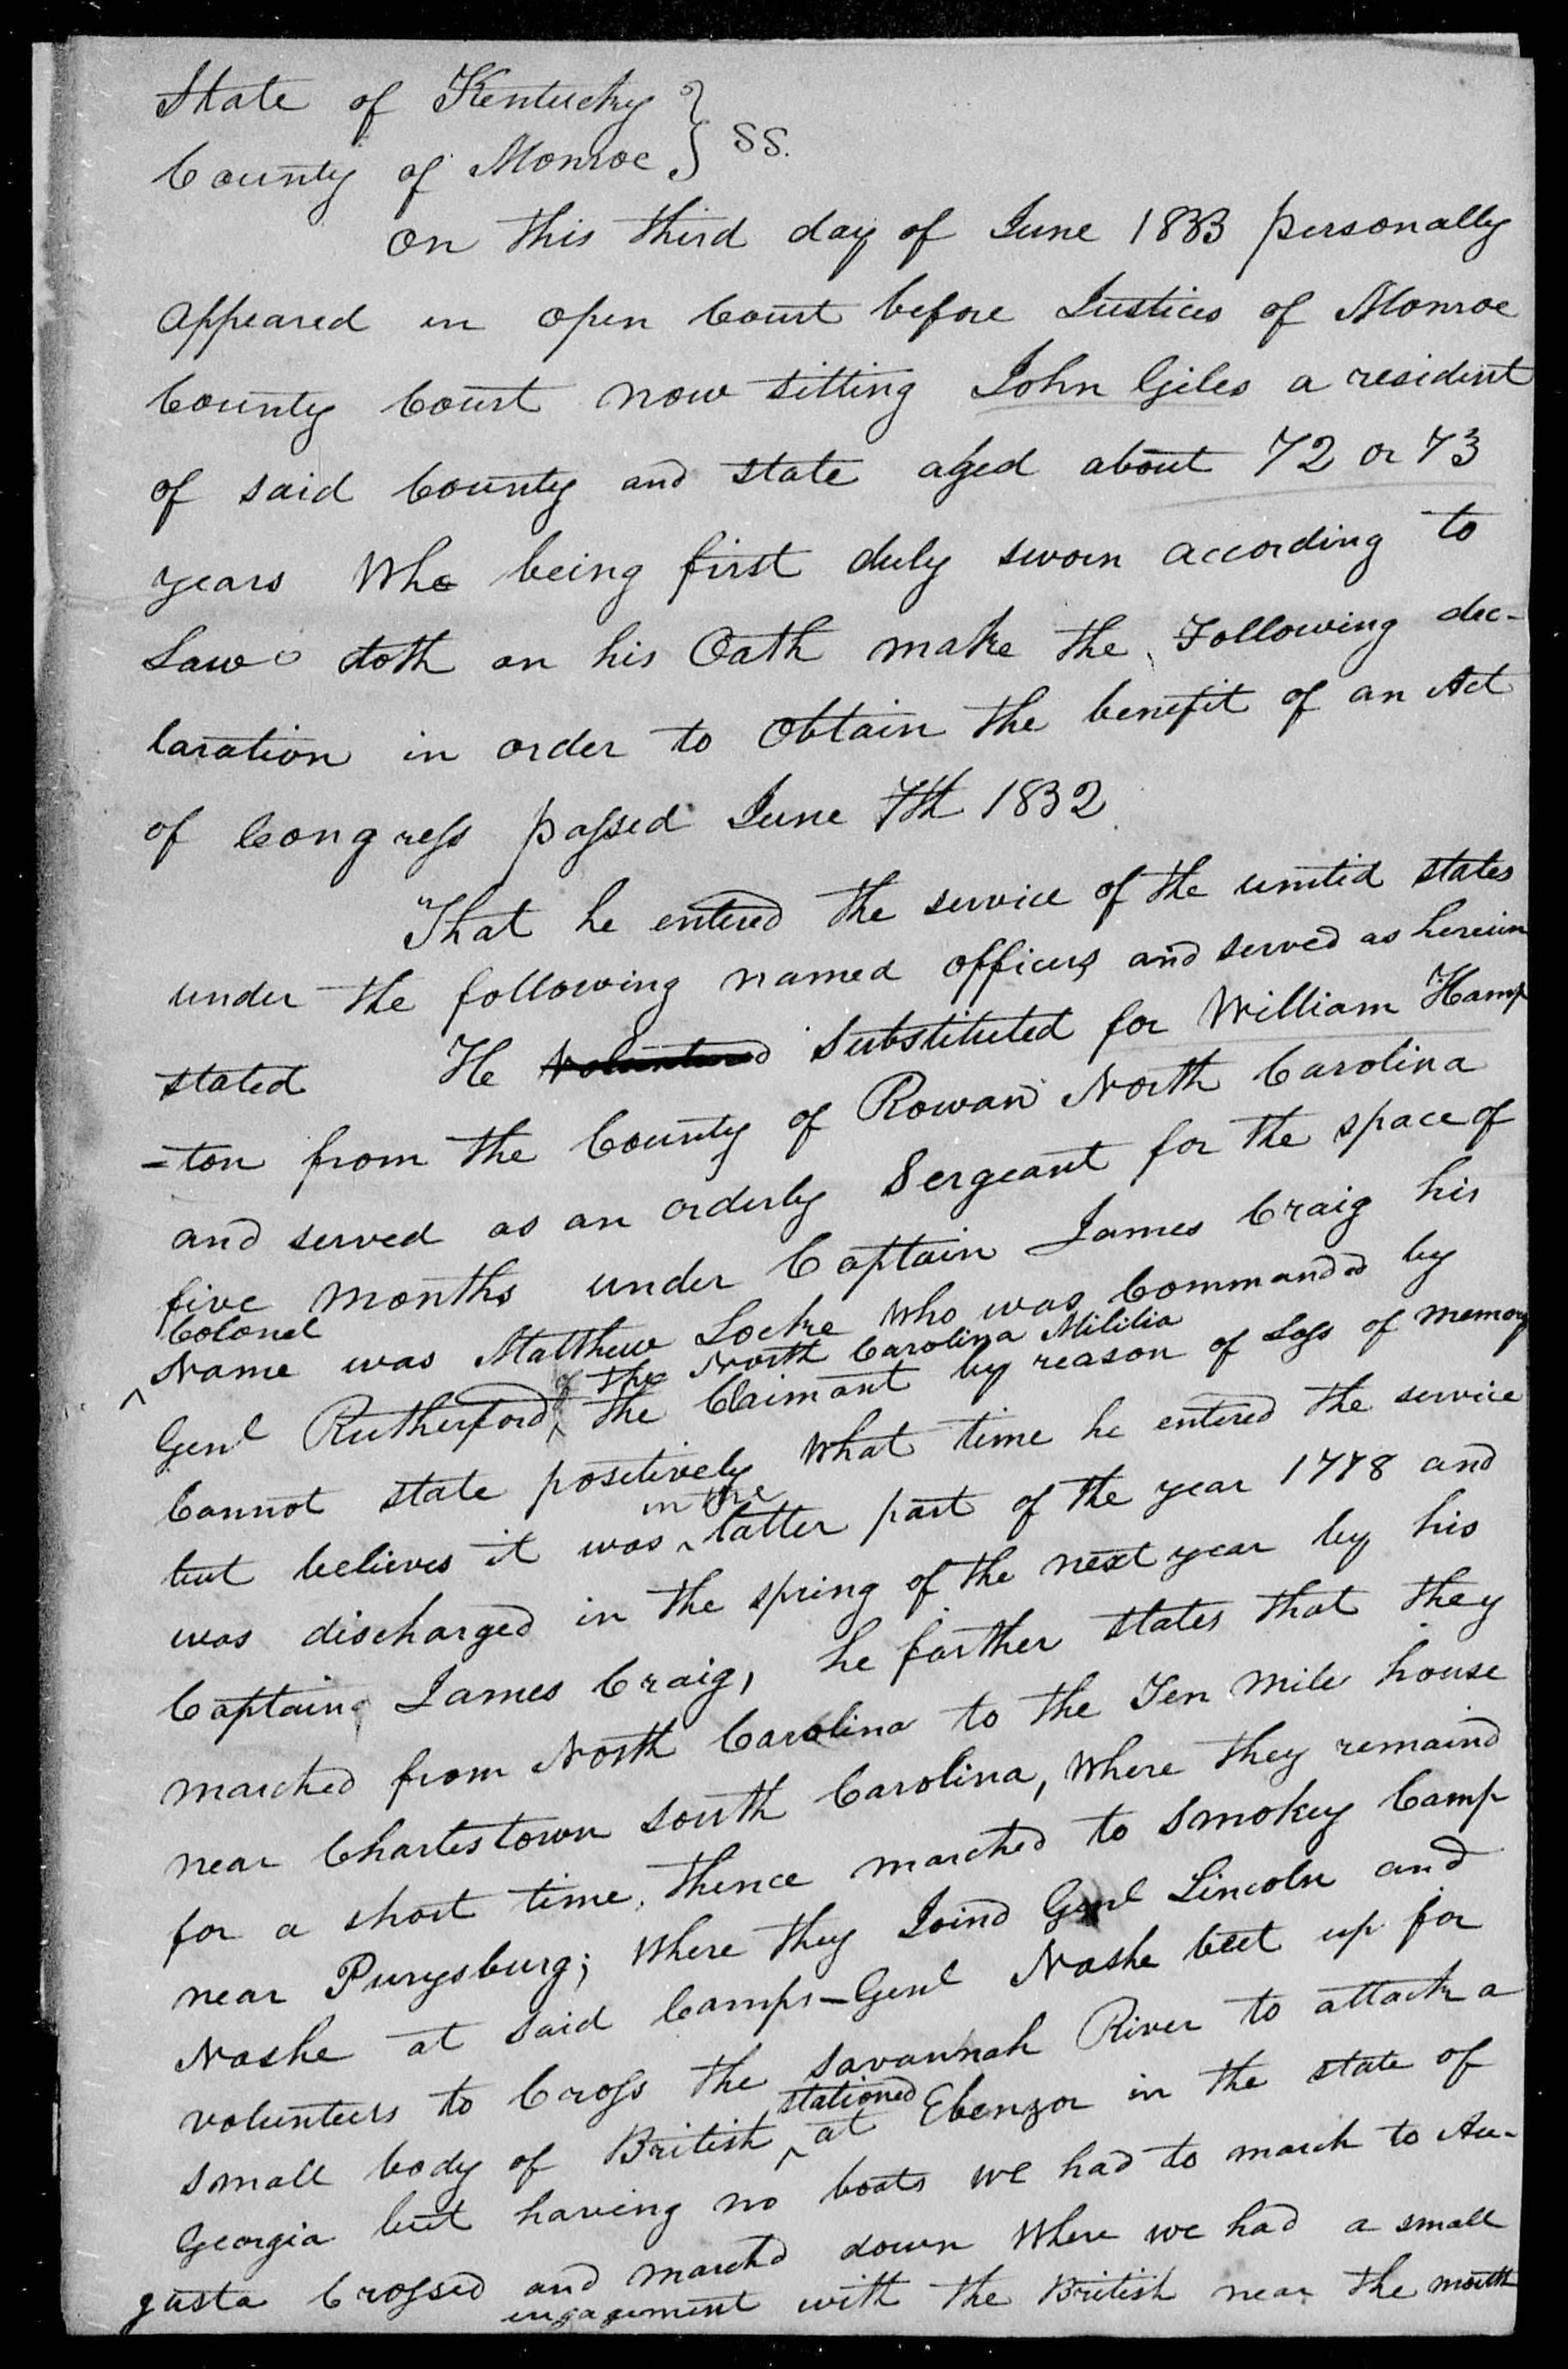State of Kentucky
County of Monroe⎬
on this third day of June 1833 personally appeared in open Court before Justices of Monroe County Court now sitting John Giles a resident of said County and State aged about 72 or 73 years who being first duly sworn according to Law doth on his oath make the following declaration in order to obtain the benefit of an Act of Congress passed June 7th 1832.
That he entered the service of the United States under the following named officers and served as herein stated He substituted for William Hampton from the County of Rowan North Carolina and served as an orderly Sergeant for the space of five months under Captain James Craig his Colonel name was Matthew Locke who was commanded by  Gen Rutherford, the Claimant by reason of loss of memory cannot state positively what time he entered the service believes it was latter part of the year 1778 and was discharged in the spring of the next year by his Captain James Craig he farther states that they marched from North Carolina to the Ten mile house near Charlestown South Carolina, where they remained for a short time, thence arched to Smokey Camp near Perrysburg, where they joined Gen Lincoln and Nashe at said camp. Genl Nash but up for volunteers to cross the Savannah River to attack a small body of British stationed at Ebenzer in the State of Georgia but having no boats we had to march to Augusta Crossed and marched down where we had a small engagement with the British near the mouth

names: Matthew Locke, Nashe, Ebenzor, Rutherford, Lincoln, William Hampton, James Craig, Nashe, John Giles, James Craig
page: 5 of 82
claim: widow's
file: W. 7,522, John Giles, N.C.